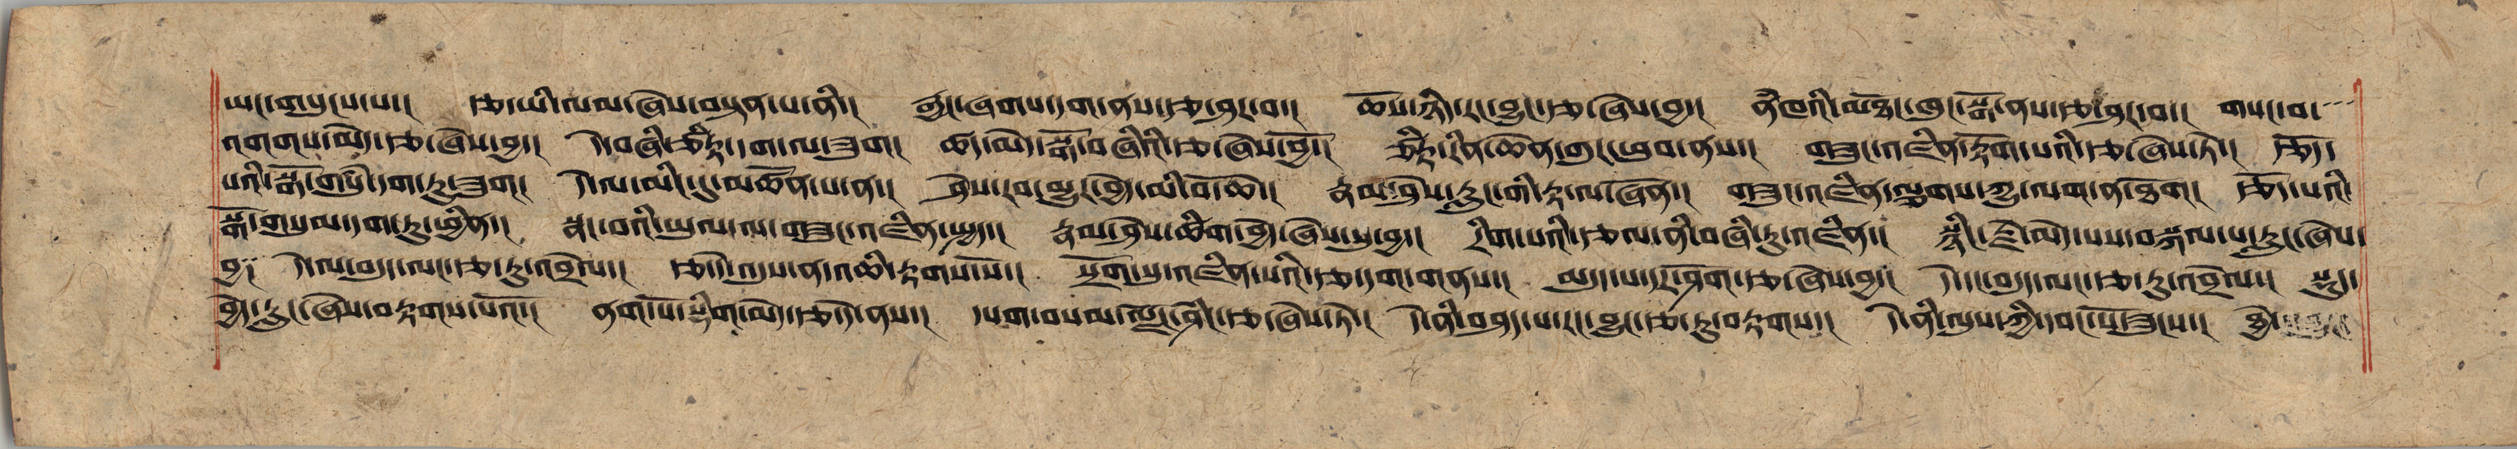ཡང་གསུངས་པ་། རྩ་ཡི་ལམ་ཞེས་བསྟན་པ་ནི་། རྒྱང་ཞགས་དག་ནས་རྩ་ཤར་བ་། ཆོས་ཉིད་རང་བྱུང་རྩ་ཞེས་བྱ་། ནཾཁའི་མཐོང་ཁུང་སྒོ་ནས་རྩ་ཤར་བ་། གསང་བ་
འགགས་མེད་རྩ་ཞེས་བྱ་། དེ་བཞི་ཙིཏྟ་དག་ལ་ཟུག། ཚད་མེད་སྒོ་བཞིའི་རྩ་ཞེས་བྱོ་། ཙིཏྟ་རིན་ཆེན་གུར་ཕུབ་ནས་། གཟུང་འཛིན་རྟོག་པའི་རྩ་ཞེས་ཏེ་། རྩོད་
པའི་སྒོ་གསུཾ་དག་ཏུ་ཟུག། དེ་ལ་མིང་དུ་མཚོན་པ་ན་། ཤེས་རབ་མྱུར་བྱེད་མི་བོ་ཆེ་། རྣམ་ཤེས་རླུང་གི་རྟ་ལ་ཞོན་། གཟུང་འཛིན་ལྕགས་ཀྱུ་ལག་ན་ཐོག། རྩོད་པའི་
སྒོ་གསུམ་དག་ཏུ་ཕྱིན་། སྣང་བའི་ཡུལ་ལ་གཟུང་འཛིན་སྤྱད་། རྣམ་ཤེས་ཚིག་བྱེད་ཞེས་སུ་བྱ་། རིག་པའི་རྩལ་ནི་བཞི་རུ་འཛིན་། སྙིང་རྗེ་མེད་པས་བསྐལ་པ་རླུང་ཞེས་
བྱ༑ དེ་ལ་བདུད་ལང་རྩ་ཏུ་འབྲེལ་། རྩ་དེ་འདུས་ན་འཆི་རྟགས་སོ་། སྲོག་སུ་འཛིན་པའི་རྩ་དག་གནས་། མདུད་པ་དར་ཤོག་རྩ་ཞེས་བྱ་། དེ་དང་བདུད་མང་རྩ་ཏུ་འབྲེལ་། སྡུད་
བྱེད་རླུང་ཞེས་བརྟགས་པའོ་། ནག་པོ་སྡིག་མེད་རྩ་དེ་ནས་། དཔག་བསམ་ལྗོན་ཤིང་རྩ་ཞེས་ཏེ་། དེ་ནི་བཤད་པ་རང་བྱུང་རྩ་རུ་བརྟགས་། དེ་ནི་ལུས་ཀྱི་དབང་པོ་ཟུངས་། ཐྱེ་